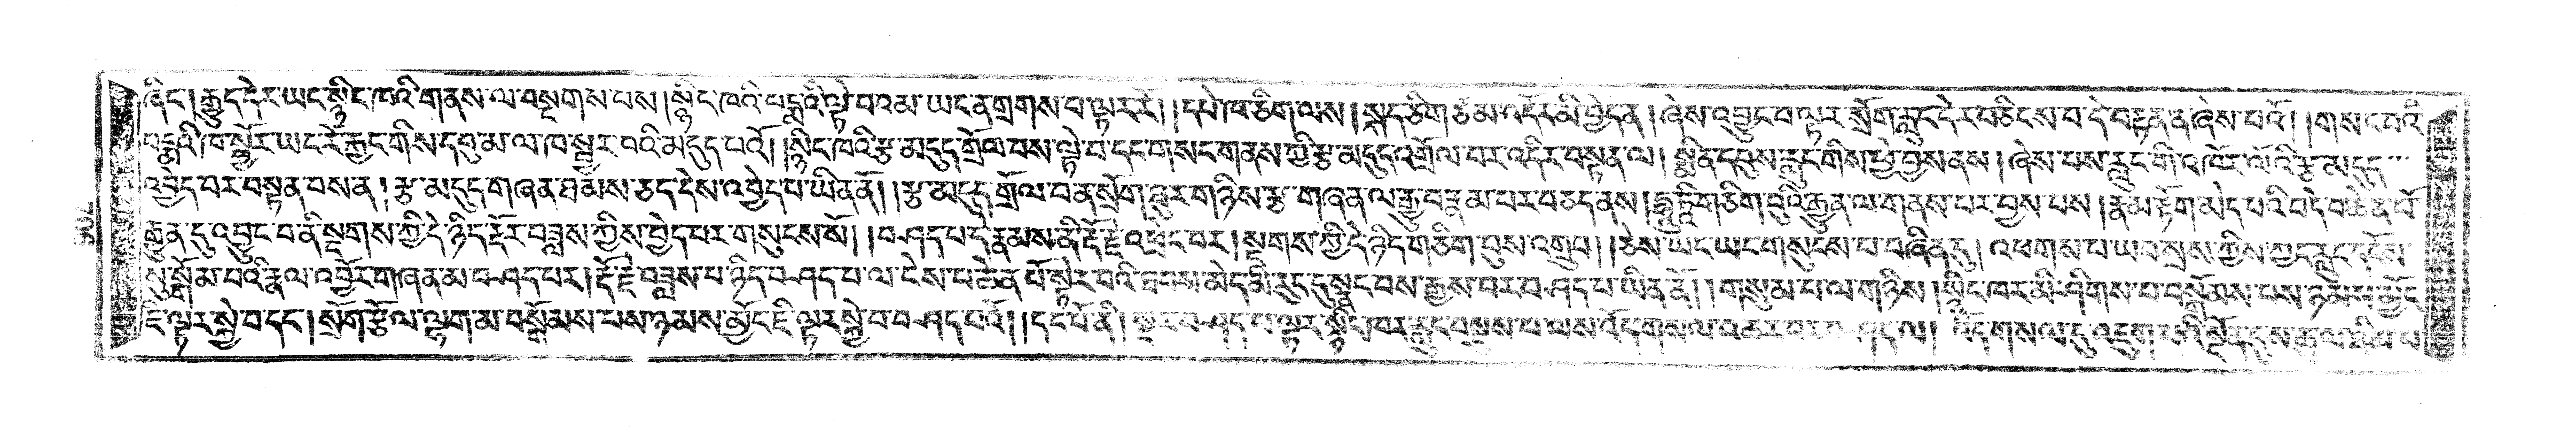ཞིང་། རྒྱུད་དེར་ཡང་སྙིང་ཁའི་གནས་ལ་བསྔགས་པས། སྙིང་ཁའི་པདམའི་ལྟེ་བ་འམ་ཡང་ན་གྲགས་པ་ལྟར་རོ། །དཔེ་ཁ་ཅིག་ལས། སྐད་ཅིག་ཙམ་འདོར་མི་བྱེད་ན། ཞེས་འབྱུང་བ་ལྟར་སྲོག་རླུང་དེར་བཅིངས་པ་དེ་བརྟན་ན་ཞེས་པའོ། །གསང་བའི་
པདམའི་ཁ་སྦྱོར་ཡང་རོ་རྐྱང་གིས་དབུ་མ་ལ་ཁ་སྦྱར་བའི་མདུད་པའོ། །སྙིང་ཁའི་རྩ་མདུད་གྲོལ་བས་ལྟེ་བ་དང་གསང་གནས་ཀྱི་རྩ་མདུད་འགྲོལ་བར་འདིར་བསྟན་ལ། སྨིན་དབུས་རླུང་གིས་ཕྱེ་བྱས་ནས། ཞེས་པས་རླུང་གི་འཁོར་ལོའི་རྩ་མདུད་
འབྱེད་པར་བསྟན་པས་ན། རྩ་མདུད་གཞན་ཐམས་ཅད་དེས་འབྱེད་པ་ཡིན་ནོ། །རྩ་མདུད་གྲོལ་བ་ན་སྲོག་ཐུར་གཉིས་རྩ་གཞན་ལ་རྒྱུ་བ་རྣམ་པར་བཅད་ནས། དྷཱུ་ཏཱི་གཅིག་པུའི་རྒྱུན་ལ་གནས་པར་བྱས་པས། རྣམ་རྟོག་མེད་པའི་བདེ་བ་ཆེན་པོ་
རྒྱུན་དུ་འབྱུང་བ་ནི་སྔགས་ཀྱི་དེ་ཉིད་རྡོར་བཟླས་ཀྱིས་བྱེད་པར་གསུངས་སོ། །བཤད་པ་དེ་རྣམས་ནི་རྡོ་རྗེ་འཕྲེང་བར། སྔགས་ཀྱི་དེ་ཉིད་གཅིག་པུས་འགྲུབ། །ཅེས་ཡང་ཡང་གསུངས་པ་བཞིན་དུ། འཕགས་པ་ཡབ་སྲས་ཀྱིས་ཀྱང་རླུང་དངོས་
སུ་སྒོམ་པའི་རྣལ་འབྱོར་གཞན་མ་བཤད་པར། རྡོ་རྗེ་བཟླས་པ་ཉིད་བཤད་པ་ལ་ངེས་པ་ཆེན་པོ་སྟེར་བའི་ཐབས་མེད་མི་རུང་དུ་སྣང་བས་རྒྱས་པར་བཤད་པ་ཡིན་ནོ། །གསུམ་པ་ལ་གཉིས། སྙིང་ཁར་མི་ཤིགས་པ་བསྒོམས་པས་ཉམས་མྱོང་
ཇི་ལྟར་སྐྱེ་བ་དང་། སྲོག་རྩོལ་ལྷག་མ་བསྒོམས་པས་ཉམས་མྱོང་ཇི་ལྟར་སྐྱེ་བ་བཤད་པའོ། །དང་པོ་ནི། སྔར་བཤད་པ་ལྟར་སྙིང་ཁར་རླུང་བསྡུས་པ་ལས་འོད་གསལ་འཆར་བར་བཤད་ལ། འོད་གསལ་དུ་འཇུག་པའི་སྔོན་དུ་ས་ཆུ་ལ་ཐིམ་པ་